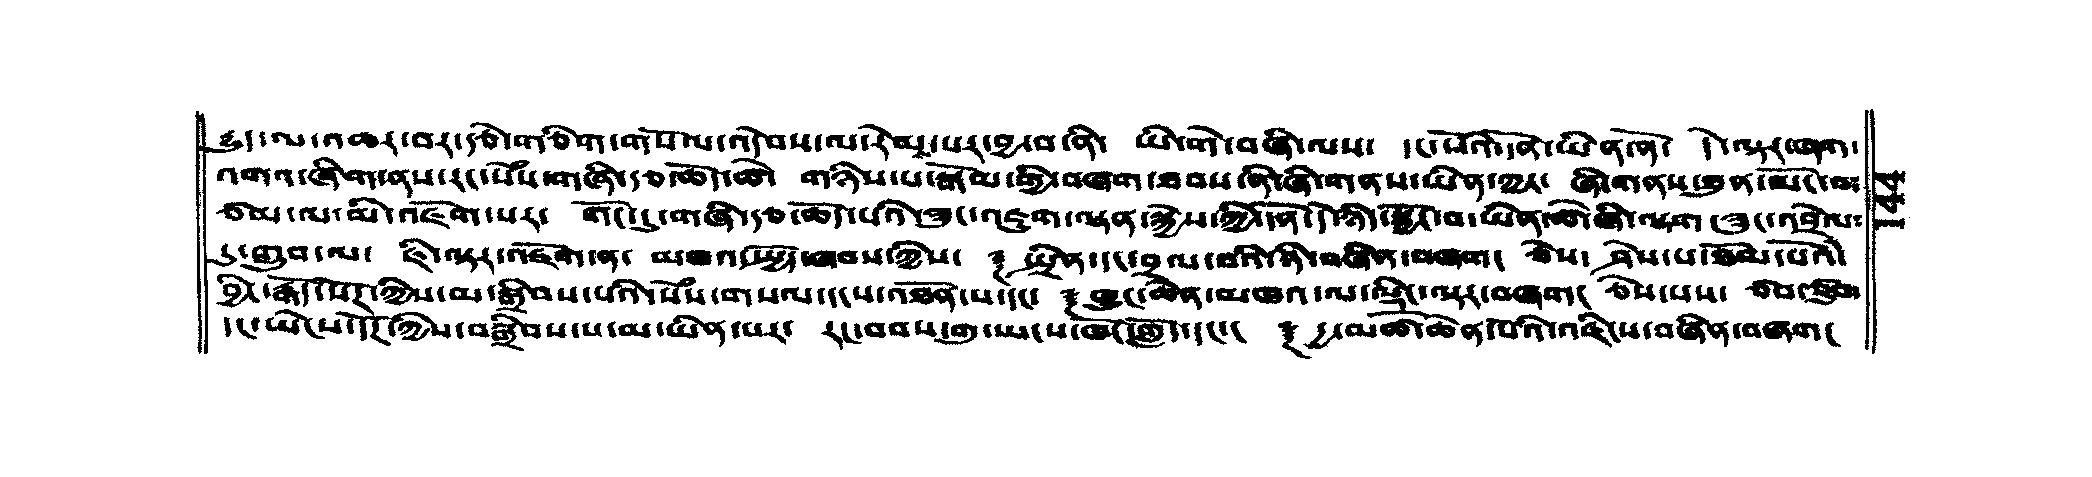རྒྱུད་ལ་འཆར་བར་རྩེ་གཅིག་གསོལ་འདེབས་ལ་རེམས་པར་བྱ་བ་ནི་ཡི་གེ་བཞི་ལས་དང་པོའི་དོན་ཡིན་ནོ།། དེ་ལྟར་ཞག་
འགའ་ཞིག་ནས་རང་སེམས་གཞི་རྩ་ཆོད་ཚེ། གཉིས་པ་སྒོམ་གྱི་བཞག་ཐབས་ནི་ཞི་གནས་ཡིན་ཀྱང་། ཞི་གནས་ཐུན་མོང་བ་
ཙམ་ལ་མི་འཇོག་པར། གོང་དུ་གཞི་རྩ་ཆོད་པའི་ཟུང་འཇུག་ལྷན་སྐྱེས་ཀྱི་དོན་དེ་ཉིད་སྐྱོང་བ་ཡིན་ཚེ་ཞི་ལྷག་ཟུང་འབྲེལ་
དུ་གྲུབ་ལ། ཇི་ལྟར་འཇོག་ན། མཁའ་སྤྱོད་ཞབས་ཀྱིས། སྤྲིན་དང་བྲལ་བའི་ཉི་བཞིན་བཞག ཅེས་ཤེས་པ་ཐོམ་པོའམ་
བྱིང་རྒོད་སོགས་ཀྱིས་མ་སྒྲིབས་པའི་སེམས་གསལ་དྭངས་འཐོན་པ་དང་། ཁྱུང་ཆེན་མཁའ་ལ་ལྡིང་ལྟར་བཞག ཅེས་པས། ཙབ་ཙུབ་
དང་ཡེངས་དོགས་ཀྱིས་བསྒྲིབས་པ་མ་ཡིན་པར། རང་བབས་གུ་ཡངས་ཁོང་གློད་ངང་། །རྒྱ་མཚོ་ཆེན་པོའི་འཇིངས་བཞིན་བཞག་